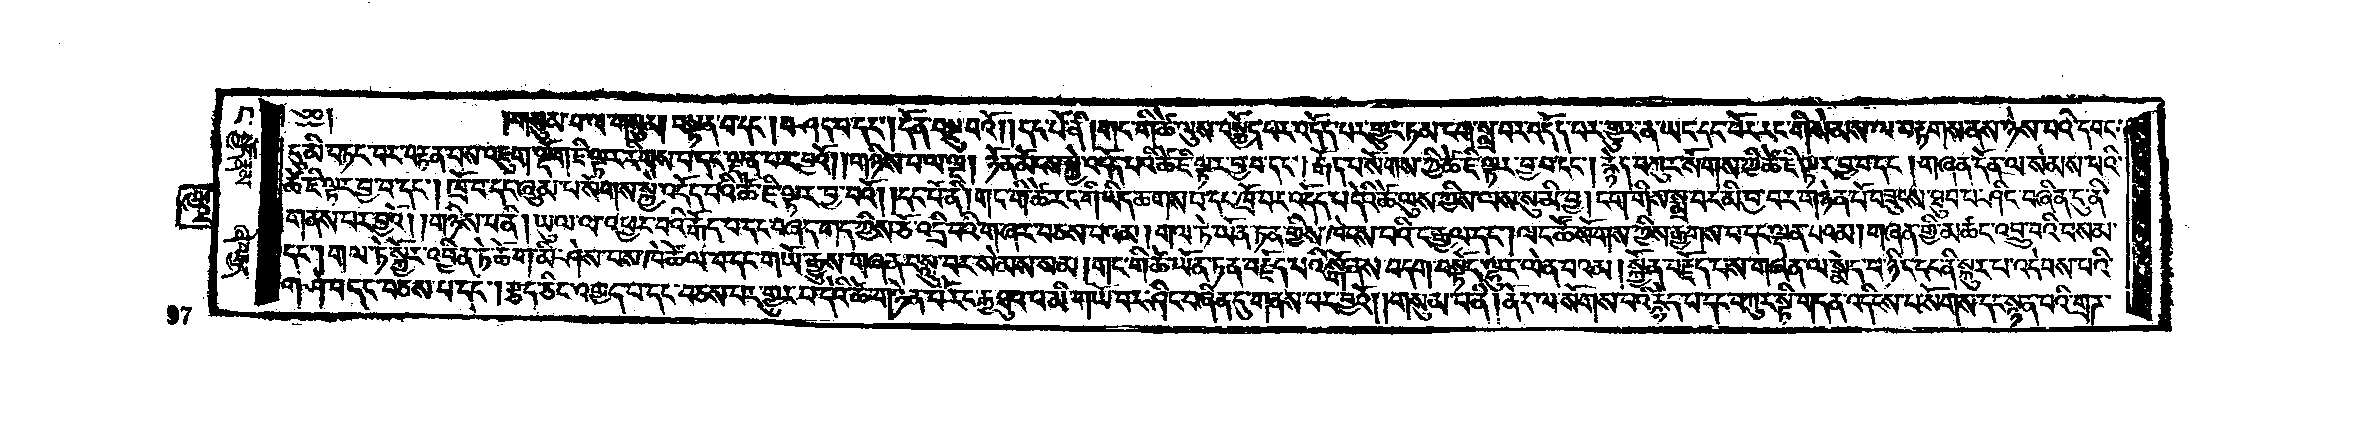༄༅། །གསུམ་པ་ལ་གསུམ། བསྟན་པ་དང་། བཤད་པ་དང་། དོན་བསྡུ་བའོ། །གང་གི་ཚེ་ལུས་བསྐྱོད་པར་འདོད་པར་གྱུར་ཏོམ?་ངག་སྨྲ་བར་འདོད་པར་གྱུར་ན་ཡང་དང་པོར་རང་གི་སེམས་ལ་བརྟགས་ནས་ཉེས་པའི་དབང་
དུ་མི་བཏང་བར་བརྟན་པས་འཇུག་ལྡོག་ཇི་ལྟར་རིགས་པ་དང་ལྡན་པར་བྱའོ། །གཉིས་པ་ལ་ལྔ། ཉོན་མོངས་སྐྱེ་འདོད་པའི་ཚེ་ཇི་ལྟར་བྱ་བ་དང་། རྒོད་པ་སོགས་ཀྱི་ཚེ་ཇི་ལྟར་བྱ་བ་དང་། རྙེད་བཀུར་སོགས་ཀྱི་ཚེ་ཇི་ལྟར་བྱ་བ་དང་། གཞན་དོན་ལ་སེམས་པའི་
ཚེ་ཇི་ལྟར་བྱ་བ་དང་། ཁྲོ་བ་དང་ཞུམ་པ་སོགས་སྐྱེ་འདོད་པའི་ཚེ་ཇི་ལྟར་བྱ་བའོ། །དང་པོ་ནི། །གང་གི་ཚེ་རང་གི་ཡིད་ཆགས་པ་དང་ཁྲོ་བར་འདོད་པ་དེའི་ཚེ་ལུས་ཀྱིས་ལས་སུ་མི་བྱ། ངག་གིས་སྨྲ་བར་མི་བྱ་བར་གཉེན་པོ་བཟུངས་ཐུབ་པ་ཤིང་བཞིན་དུ་ནི་
གནས་པར་བྱའོ། །གཉིས་པ་ནི། ཡུལ་འཕྱར་བའི་རྒོད་པ་དང་བཞད་གད་ཀྱིས་ཅོ་འདྲི་བའི་གཞར་བཅས་པའམ། གལ་ཏེ་ཡོན་ཏན་གྱིས་ཁེངས་པའི་ང་རྒྱལ་དང་། ལང་ཚོ་སོགས་ཀྱིས་རྒྱགས་པ་དང་ལྡན་པའམ། གཞན་གྱི་མཚང་འབྲུ་བའི་བསམ་
དང༑ གལ་ཏེ་སྐྱོར་འབྱིན་ཏེ་ཆོག་མི་ཤེས་པས་ཁེ་ཚེལ་བ་དང་གཡོ་རྒྱུས་གཞན་བསླུ་བར་སེམས་སམ། གང་གི་ཚེ་ཡོན་ཏན་བརྗོད་པའི་སྒོ་ནས་བདག་བསྟོད་ལྷུར་ལེན་པའམ། སྐྱོན་བརྗོད་པས་གཞན་ལ་སྨེད་པ་ཉིད་དང་ནི་སྐུར་བ་འདེབས་པའི་
གཤེ་བ་དང་བཅས་པ་དང་། རྩད་ཅིང་འགྱད་པ་དང་བཅས་པར་གྱུར་པ་དེའི་ཚེ་གཉེན་པོ་རང་རྒྱ་ཐུབ་པ་མི་གཡོ་བར་ཤིང་བཞིན་དུ་གནས་པར་བྱའོ། །གསུམ་པ་ནི། ནོར་ལ་སོགས་པའི་རྙེད་པ་དང་བཀུར་སྟི་གདན་འདིངས་པ་སོགས་དང་སྙན་པའི་གྲགས་